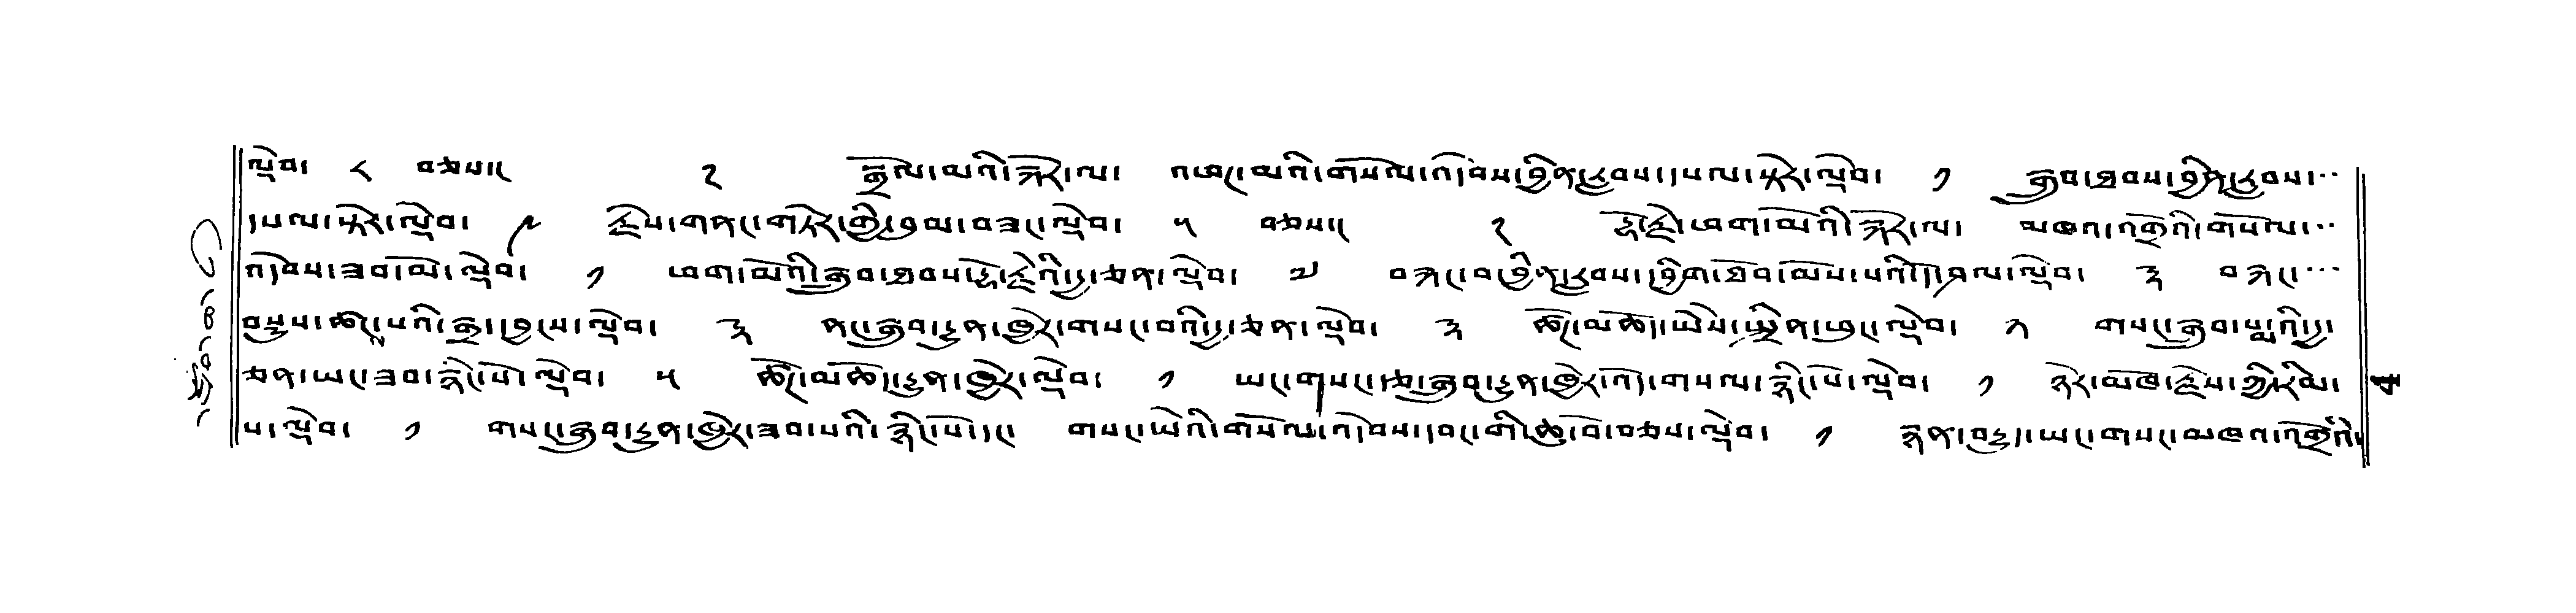ལྡེབ། བཅས། ༄། སྒྲོལ་མའི་སྐོད་ལ། འཕགས་མའི་གསོལ་འདེབས་བྱིན་རླབས་དཔལ་སྟེར་ལྡེབ། སྒྲུབ་ཐབས་བྱིན་རླབས་
དཔལ་སྟེར་ལྡེབ། རྗེས་གནང་གཏེར་གྱི་བུམ་བཟང་ལྡེབ། བཅས། ༄། རྡོ་རྗེ་ཕག་མོའི་སྐོར་ལ། མཁའ་འགྲོའི་གསོལ་
འདེབས་ཟབ་མོ་ལྡེབ། ཕག་མོའི་སྒྲུབ་ཐབས་རྡོ་རྗེའི་རྒྱ་ཅན་ལྡེབ། བསྐང་བ་བྱིན་རླབས་དབྱིག་ཐོབ་མོས་པའི་དོ་ཤལ་ལྡེབ། བསྐང་
བསྡུས་ཚངས་པའི་སྒྲ་དབྱངས་ལྡེབ། ནང་སྒྲུབ་རྒྱུན་ཁྱེར་གསང་བའི་ཅན་ལྡེབ། ཚོགས་མཆོད་ཡེ་ཤེས་སྤྲིན་ཕུང་ལྡེབ། གསང་སྒྲུབ་པདྨའི་རྒྱ་
ཅན་ཡང་ཟབ་སྙིང་པོ་ལྡེབ། ཚོགས་མཆོད་རྒྱུན་ཁྱེར་ལྡེབ། ཡང་གསང་རྩ་སྒྲུབ་རྒྱུན་ཁྱེར་འོད་གསལ་སྙིང་པོ་ལྡེབ། ཉེར་མཁོ་རྗེས་ཀྱི་རིམ་
པ་ལྡེབ། གསང་སྒྲུབ་རྒྱུན་ཁྱེར་ཟབ་པའི་སྙིང་པོ་དང་། གསང་ཡེའི་གསོལ་འདེབས་དབང་གི་ཆུ་བོ་བཅས་ལྡེབ། སྙན་བརྒྱུད་ཡང་གསང་མཁའ་འགྲོའི་